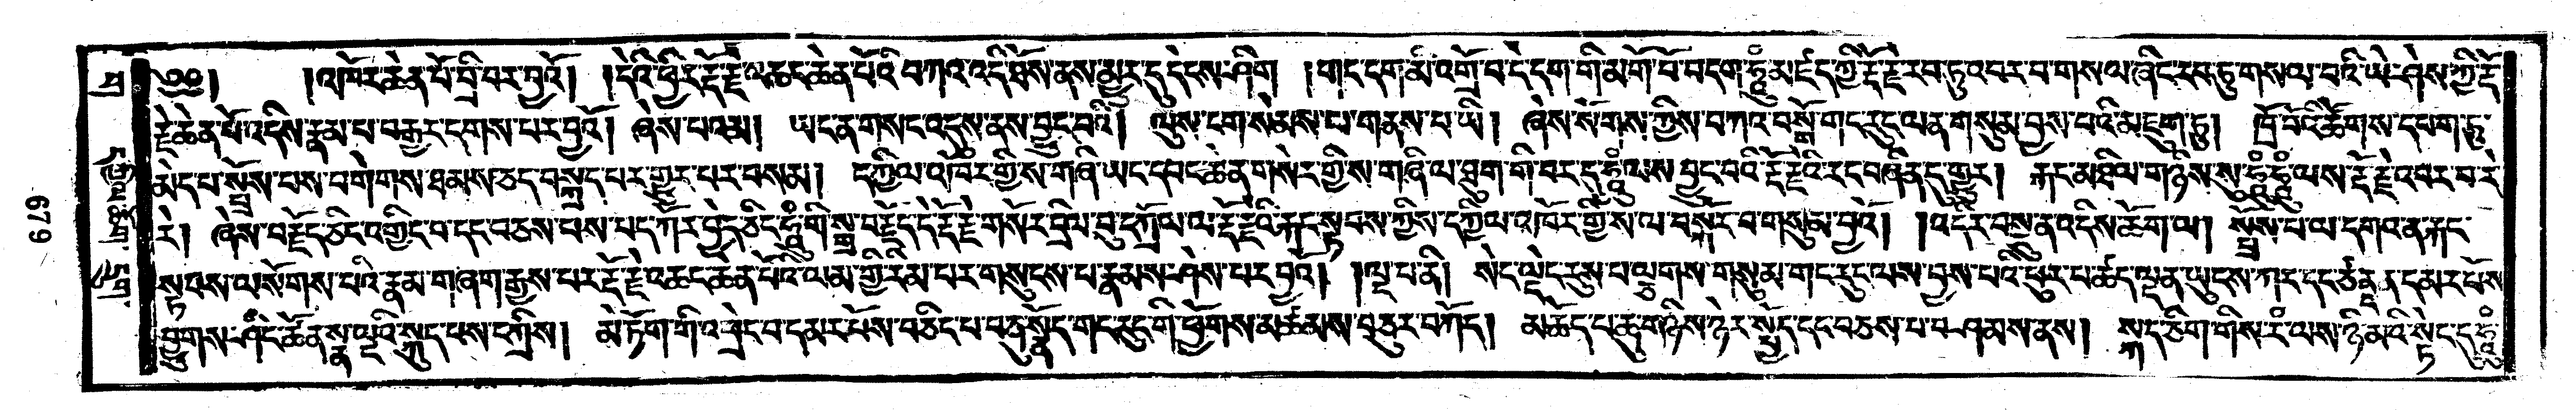༄༅། །འཁོར་ཆེན་པོ་བྲི་བར་བྱའོ། །དེའི་ཕྱིར་རྡོ་རྗེ་འཆང་ཆེན་པོའི་བཀའ་འདི་ཐོས་ནས་མྱུར་དུ་དེངས་ཤིག །གང་དག་མི་འགྲོ་བ་དེ་དག་གི་མགོ་བོ་བདག་ཧཱུཾ་མཛད་ཀྱི་རྡོ་རྗེ་རབ་ཏུ་འབར་བ་གསལ་ཞིང་རབ་ཏུ་གསལ་བའི་ཡེ་ཤེས་ཀྱི་རྡོ་
རྗེ་ཆེན་པོ་འདིས་རྣམ་པ་བརྒྱར་དགས་པར་བྱའོ། ཞེས་པའམ། ཡང་ན་གསང་འདུས་ནས་བྱུང་བའི། །ལུས་ངག་སེམས་པ་གནས་པ་ཡི། །ཞེས་སོགས་ཀྱིས་བཀའ་བསྒོ་གང་རུང་ལན་གསུམ་བྱས་པའི་མཇུག་ཏུ། ཁྲོ་བོའི་ཚོགས་དཔག་ཏུ་
མེད་པ་སྤྲོས་པས་བགེགས་ཐམས་ཅད་བསྐྲད་པར་གྱུར་པར་བསམ། དཀྱིལ་འཁོར་གྱི་ས་གཞི་ཡང་དབང་ཆེན་གསེར་གྱི་ས་གཞི་ལ་ཐུག་གི་བར་དུ་ཧཱུཾ་ལས་བྱང་བའི་རྡོ་རྗེའི་རང་བཞིན་དུ་གྱུར། རྐང་མཐིལ་གཉིས་སུ་ཧཱུཾ་ཧཱུཾ་ལས་རྡོ་རྗེ་འབར་བ་རེ་
རེ། ཞེས་བརྗོད་ཅིང་འགྱིང་བ་དང་བཅས་པས་པད་ཀོར་བྱེད་ཅིང་ཧཱུཾ་གི་སྒྲ་བརྗོད་དེ་རྡོ་རྗེ་གསོར་དྲིལ་བུ་དཀྲོལ་ལ་རྡོ་རྗེའི་རྐང་སྟབས་ཀྱིས་དཀྱིལ་འཁོར་གྱི་ས་ལ་བསྐོར་བ་གསུམ་བྱའོ། །འདིར་བསྡུ་ན་འདིས་ཆོག་ལ། སྤྲོས་པ་ལ་དགའ་ན་རྐང་
སྟབས་ལ་སོགས་པའི་རྣམ་གཞག་རྒྱས་པར་རྡོ་རྗེ་འཆང་ཆེན་པོའི་ལམ་གྱི་རིམ་པར་གསུངས་པ་རྣམས་ཤེས་པར་བྱའོ། །ལྔ་པ་ནི། སེང་ལྡེང་རུས་པ་ལྕགས་གསུམ་གང་རུང་ལས་བྱས་པའི་ཕུར་པ་ཚད་ལྡན་ཡུངས་ཀར་དང་ཙནཱན་དམར་པོས་
བྱུགས་ཤིང་ཚོན་སྣ་ལྔའི་སྐུད་པས་བཀྲིས། མེ་ཏོག་གི་འཕྲེང་བ་དམར་པོས་བཅིང་པ་བཅུ་སྣོད་གང་རུང་གི་ཕྱོགས་མཚམས་བཅུར་བཀོད། མཆོད་པ་ཆུ་གཉིས་ཉེར་སྤྱོད་དང་བཅས་པ་བཤམས་ནས། སྐད་ཅིག་གིས་རཾ་ལས་ཉི་མའི་སྟེང་དུ་ཧཱུཾ་